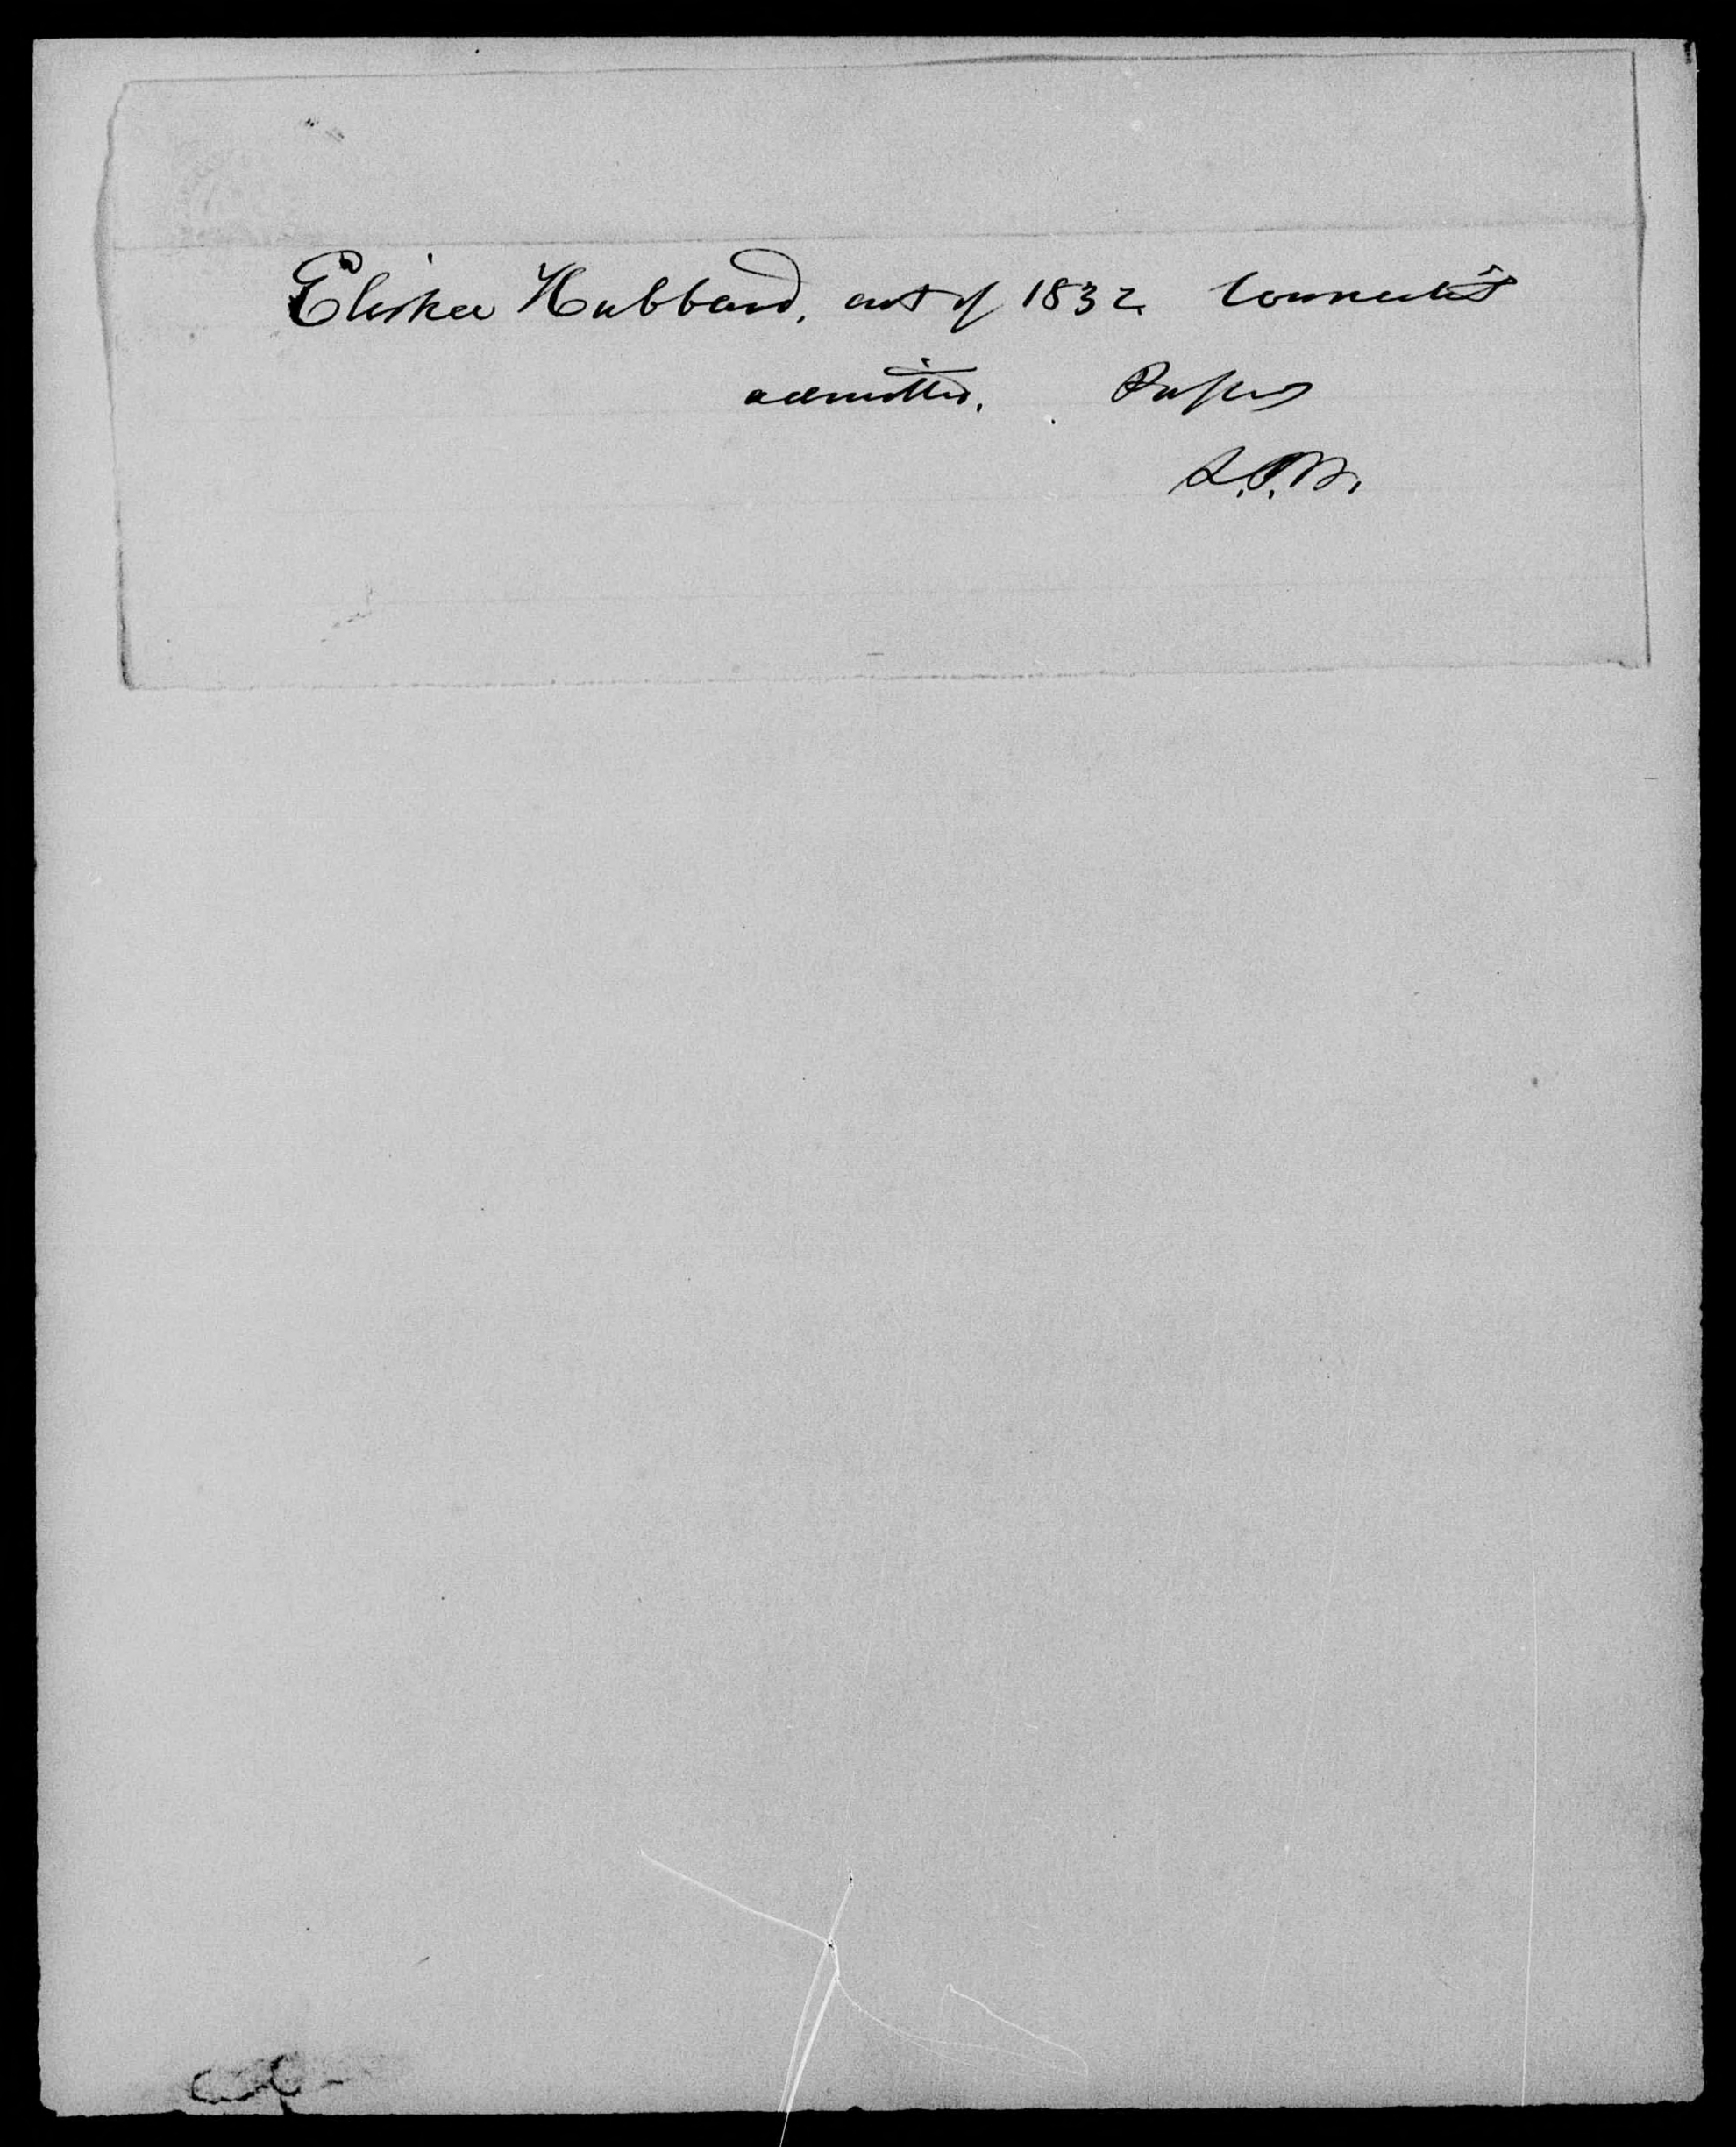Elisha Hubbard, out of 1832. Connectit
admitted.     (?)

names: Elisha Hubbard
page: 16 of 63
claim: survivor's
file: S. 18457, Elisha Hubbard, Conn. Continental